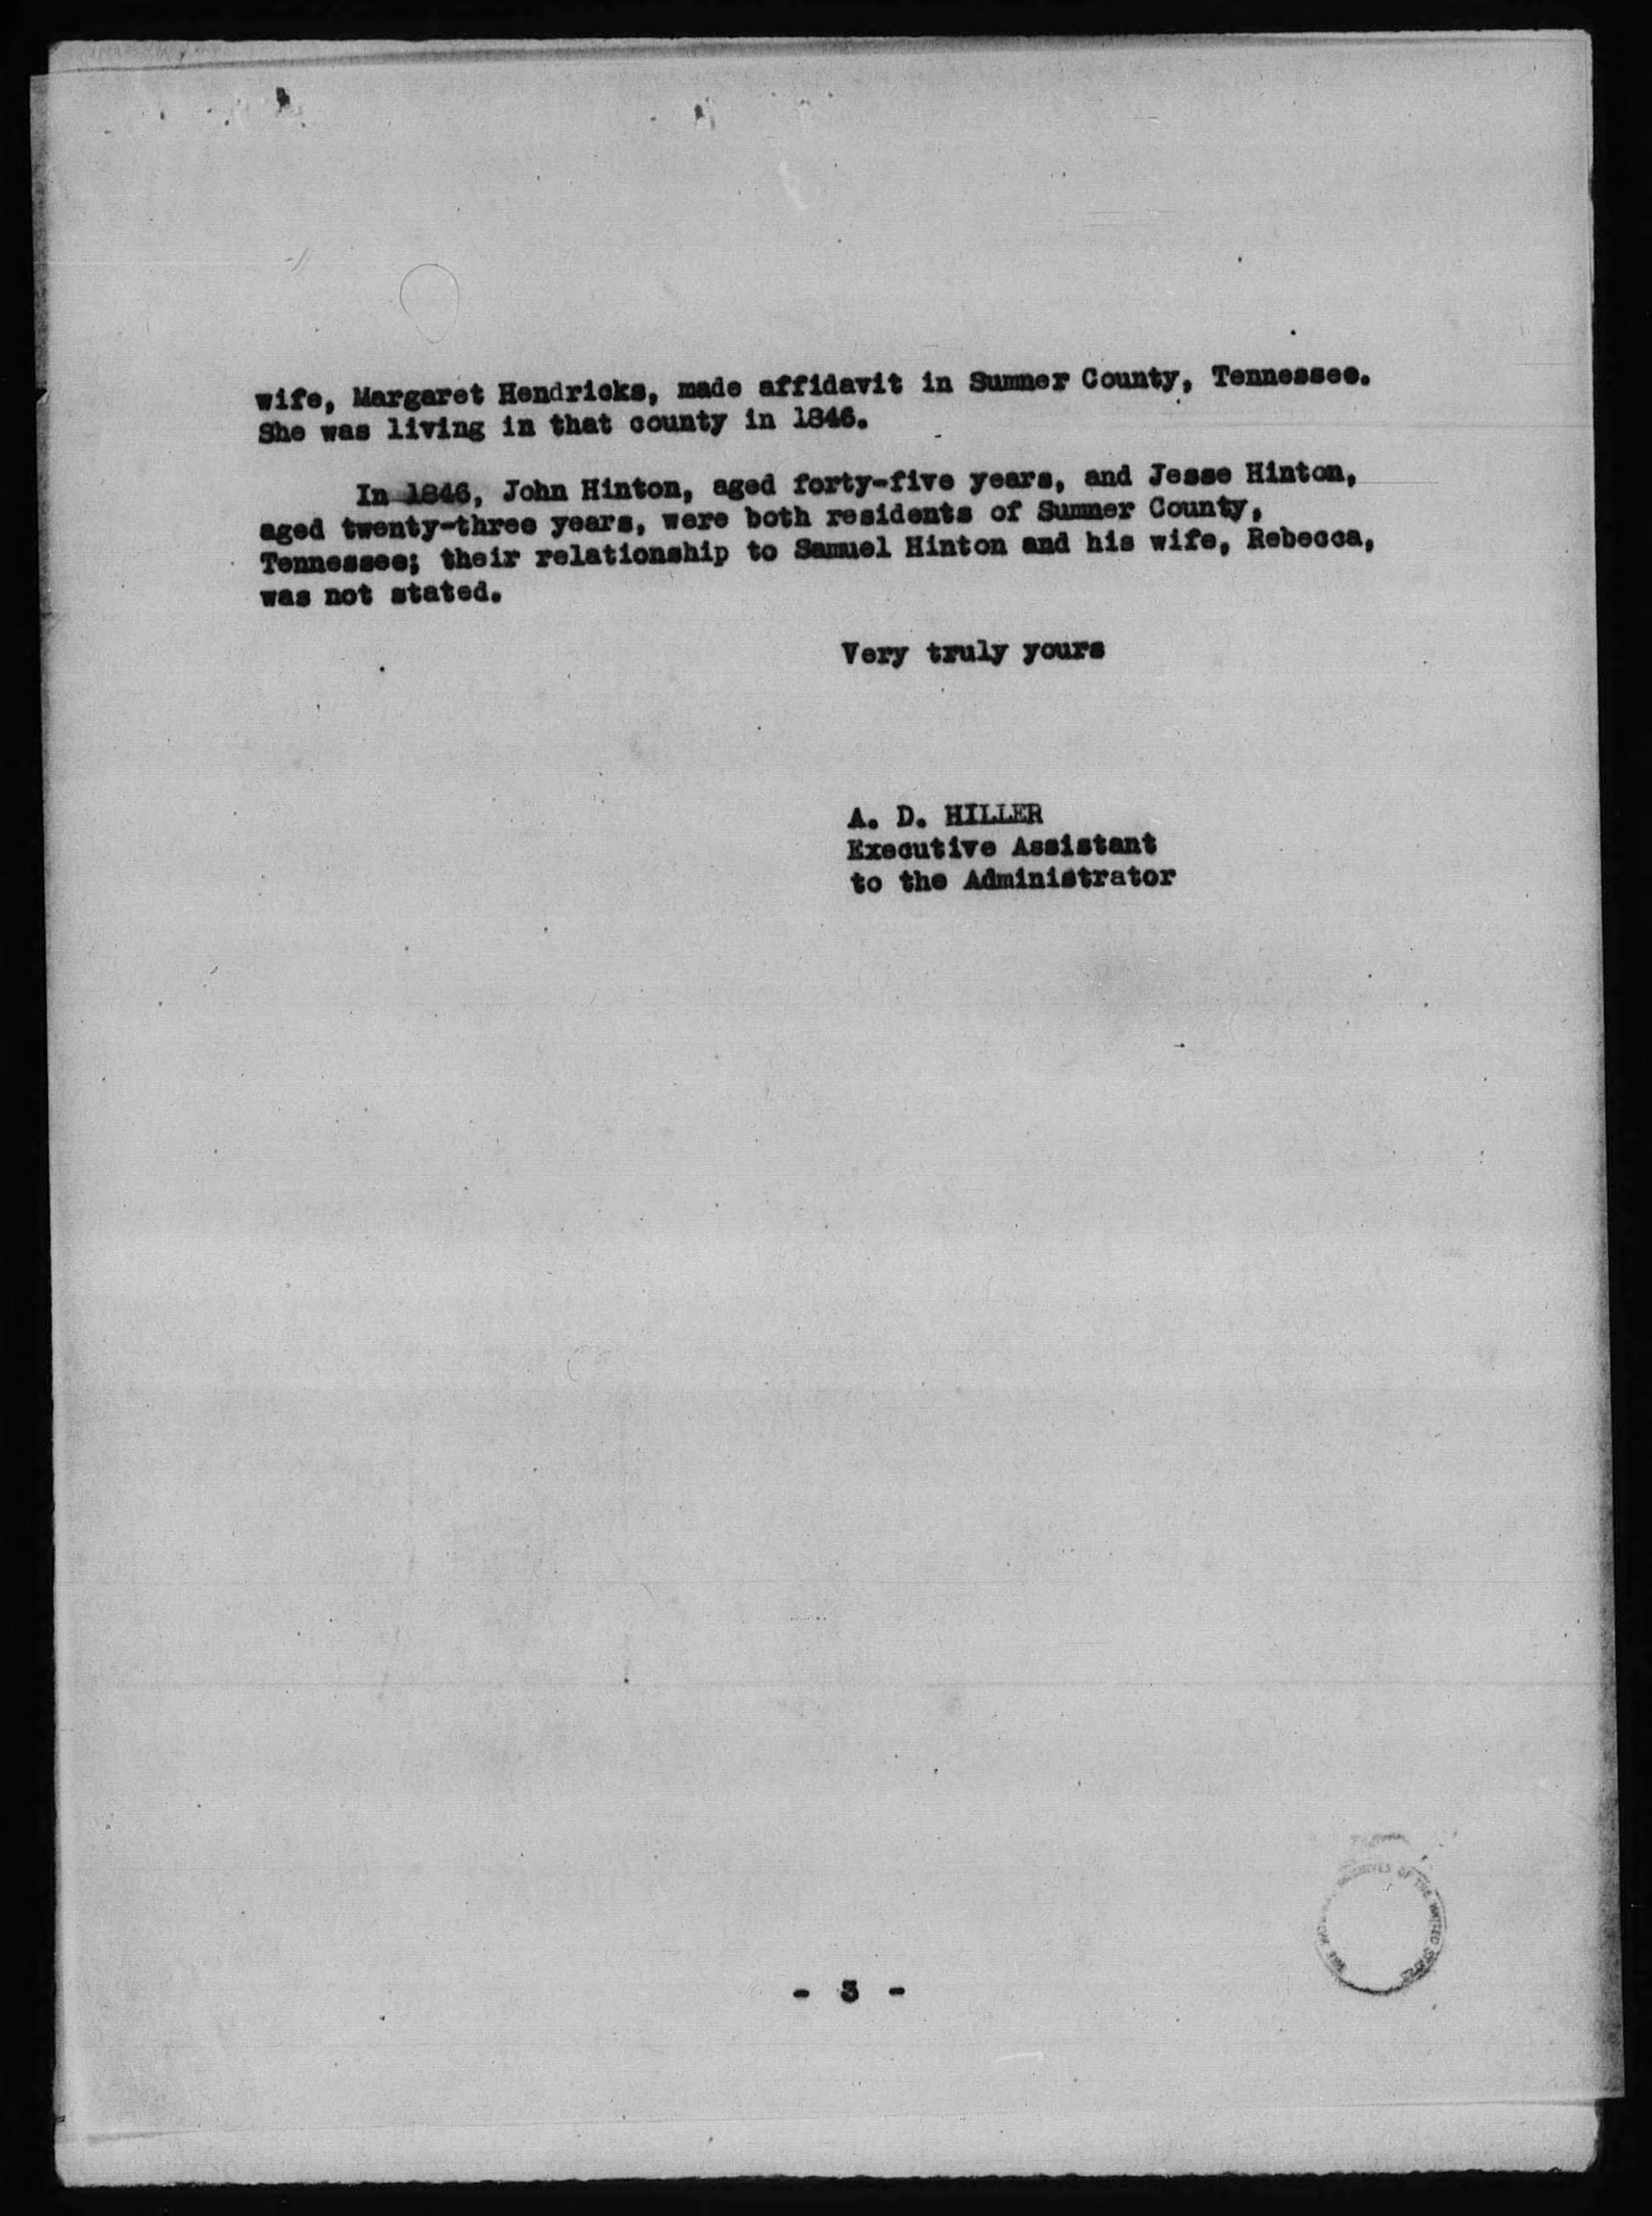wife, Margaret Hendricks, made affidavit in Sumner County, Tennessee, She was living in that county in 1846.

In 1646, John Hinton, aged forty-five years, and Jesse Hinton, aged twenty-three years, were both residents of Sumner County, Tennessee; their relationship to Samuel Hinton and his wife, Rebecca, was not stated. 

Very truly yours
A. D. HILLER 
Executive Assistant 
to the Administrator

                                          - 3 -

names: Jesse Hinton, A D Hiller, Samuel Hinton, Rebecca, John Hinton, Margaret Hendricks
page: 19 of 76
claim: widow's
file: W. 83, Albert Hendricks, Continental Md. N.C.